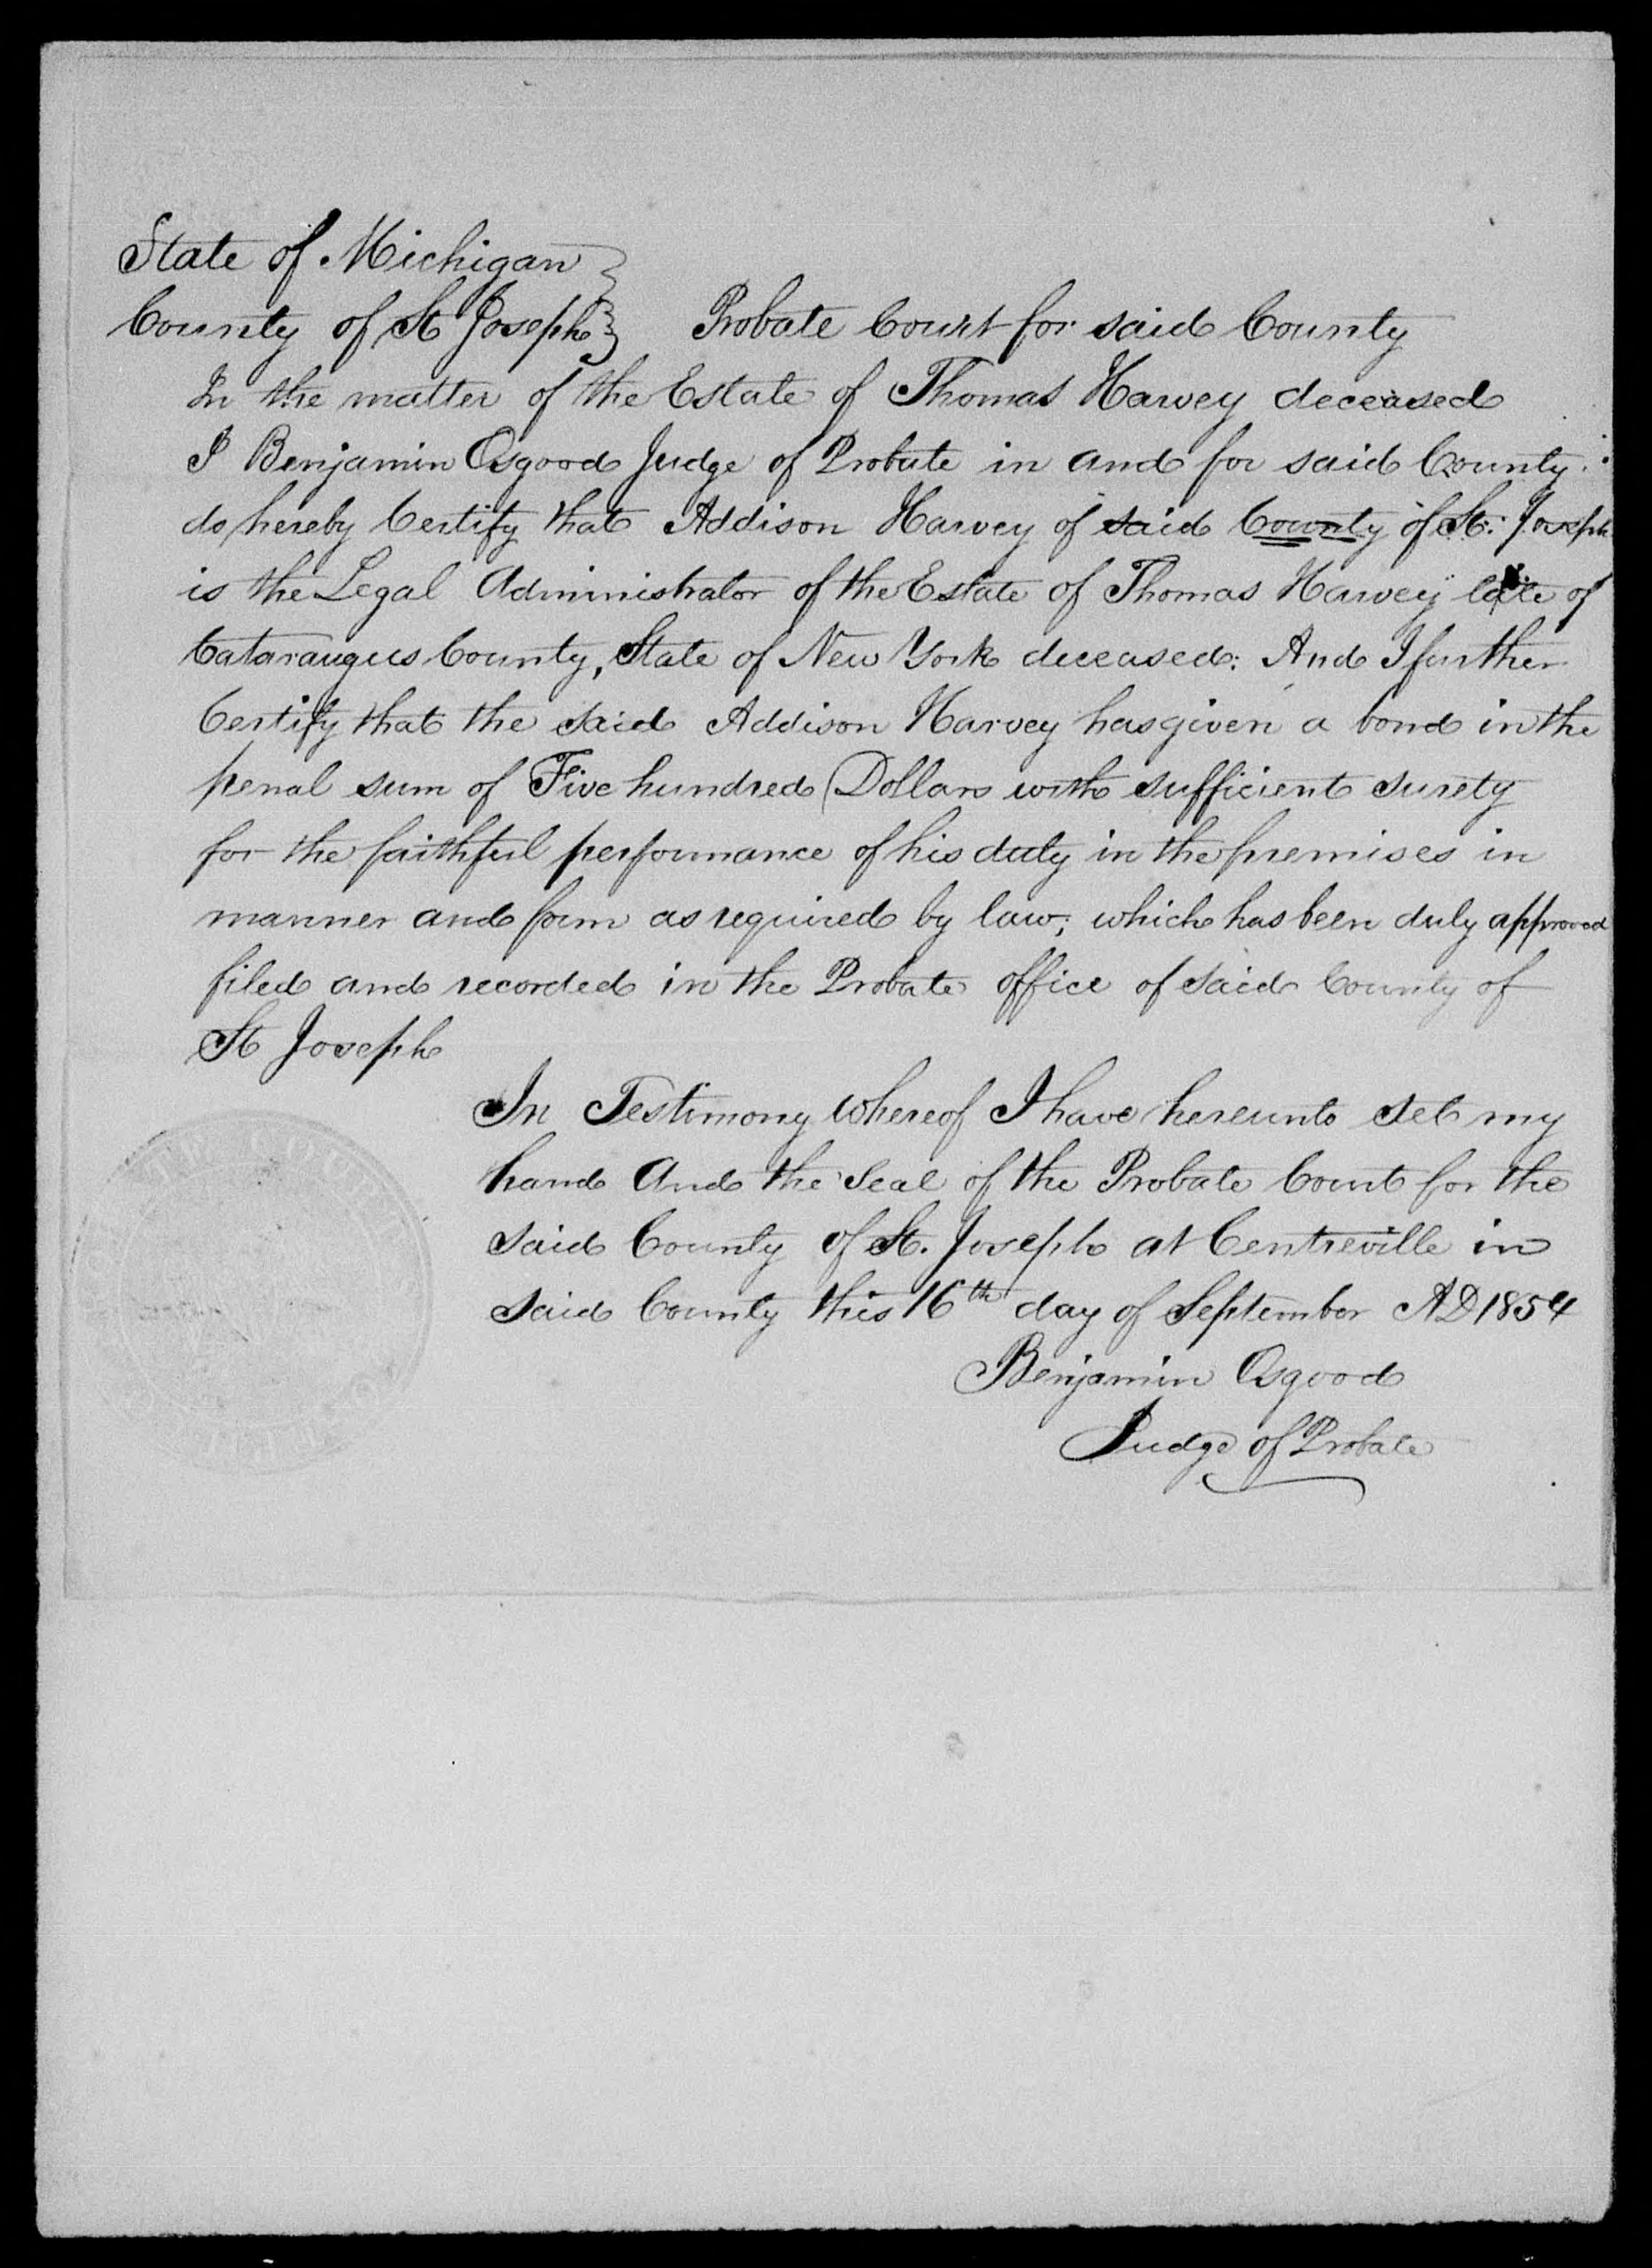State of Michigan
County of St. Joseph} Probate Court for said County 
In the matter of the Estate of Thomas Harvey deceased 
I Benjamin Osgood Judge of Probate in and for said County, do hereby certify that Addison Harvey of said County of St. Joseph is the Legal Administrator of the Estate of Thomas Harvey late of Cattaraugus County, State of New York deceased. And I further Certify that the said Addison Harvey has given the bond in the penal sum of Five hundred Dollars with sufficient surety for the faithful performance of his duty in the premises in manner and form as required by law, which has been duly approved filed and recorded in the Probate office of said County of St Joseph
[court seal] In Testimony whereof I have hereunto set my hand and the Seal of the Probate Court for the said County of St. Joseph at Centreville in said County this 16th day of September AD 1854
/s/Benjamin Osgood
Judge of Probate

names: Addison Harvey, Thomas Harvey, Benjamin Osgood, Benjamin Osgood, Thomas Harvey, Addison Harvey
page: 21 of 80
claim: survivor's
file: S. 18008, Thomas Harvey, N.H.